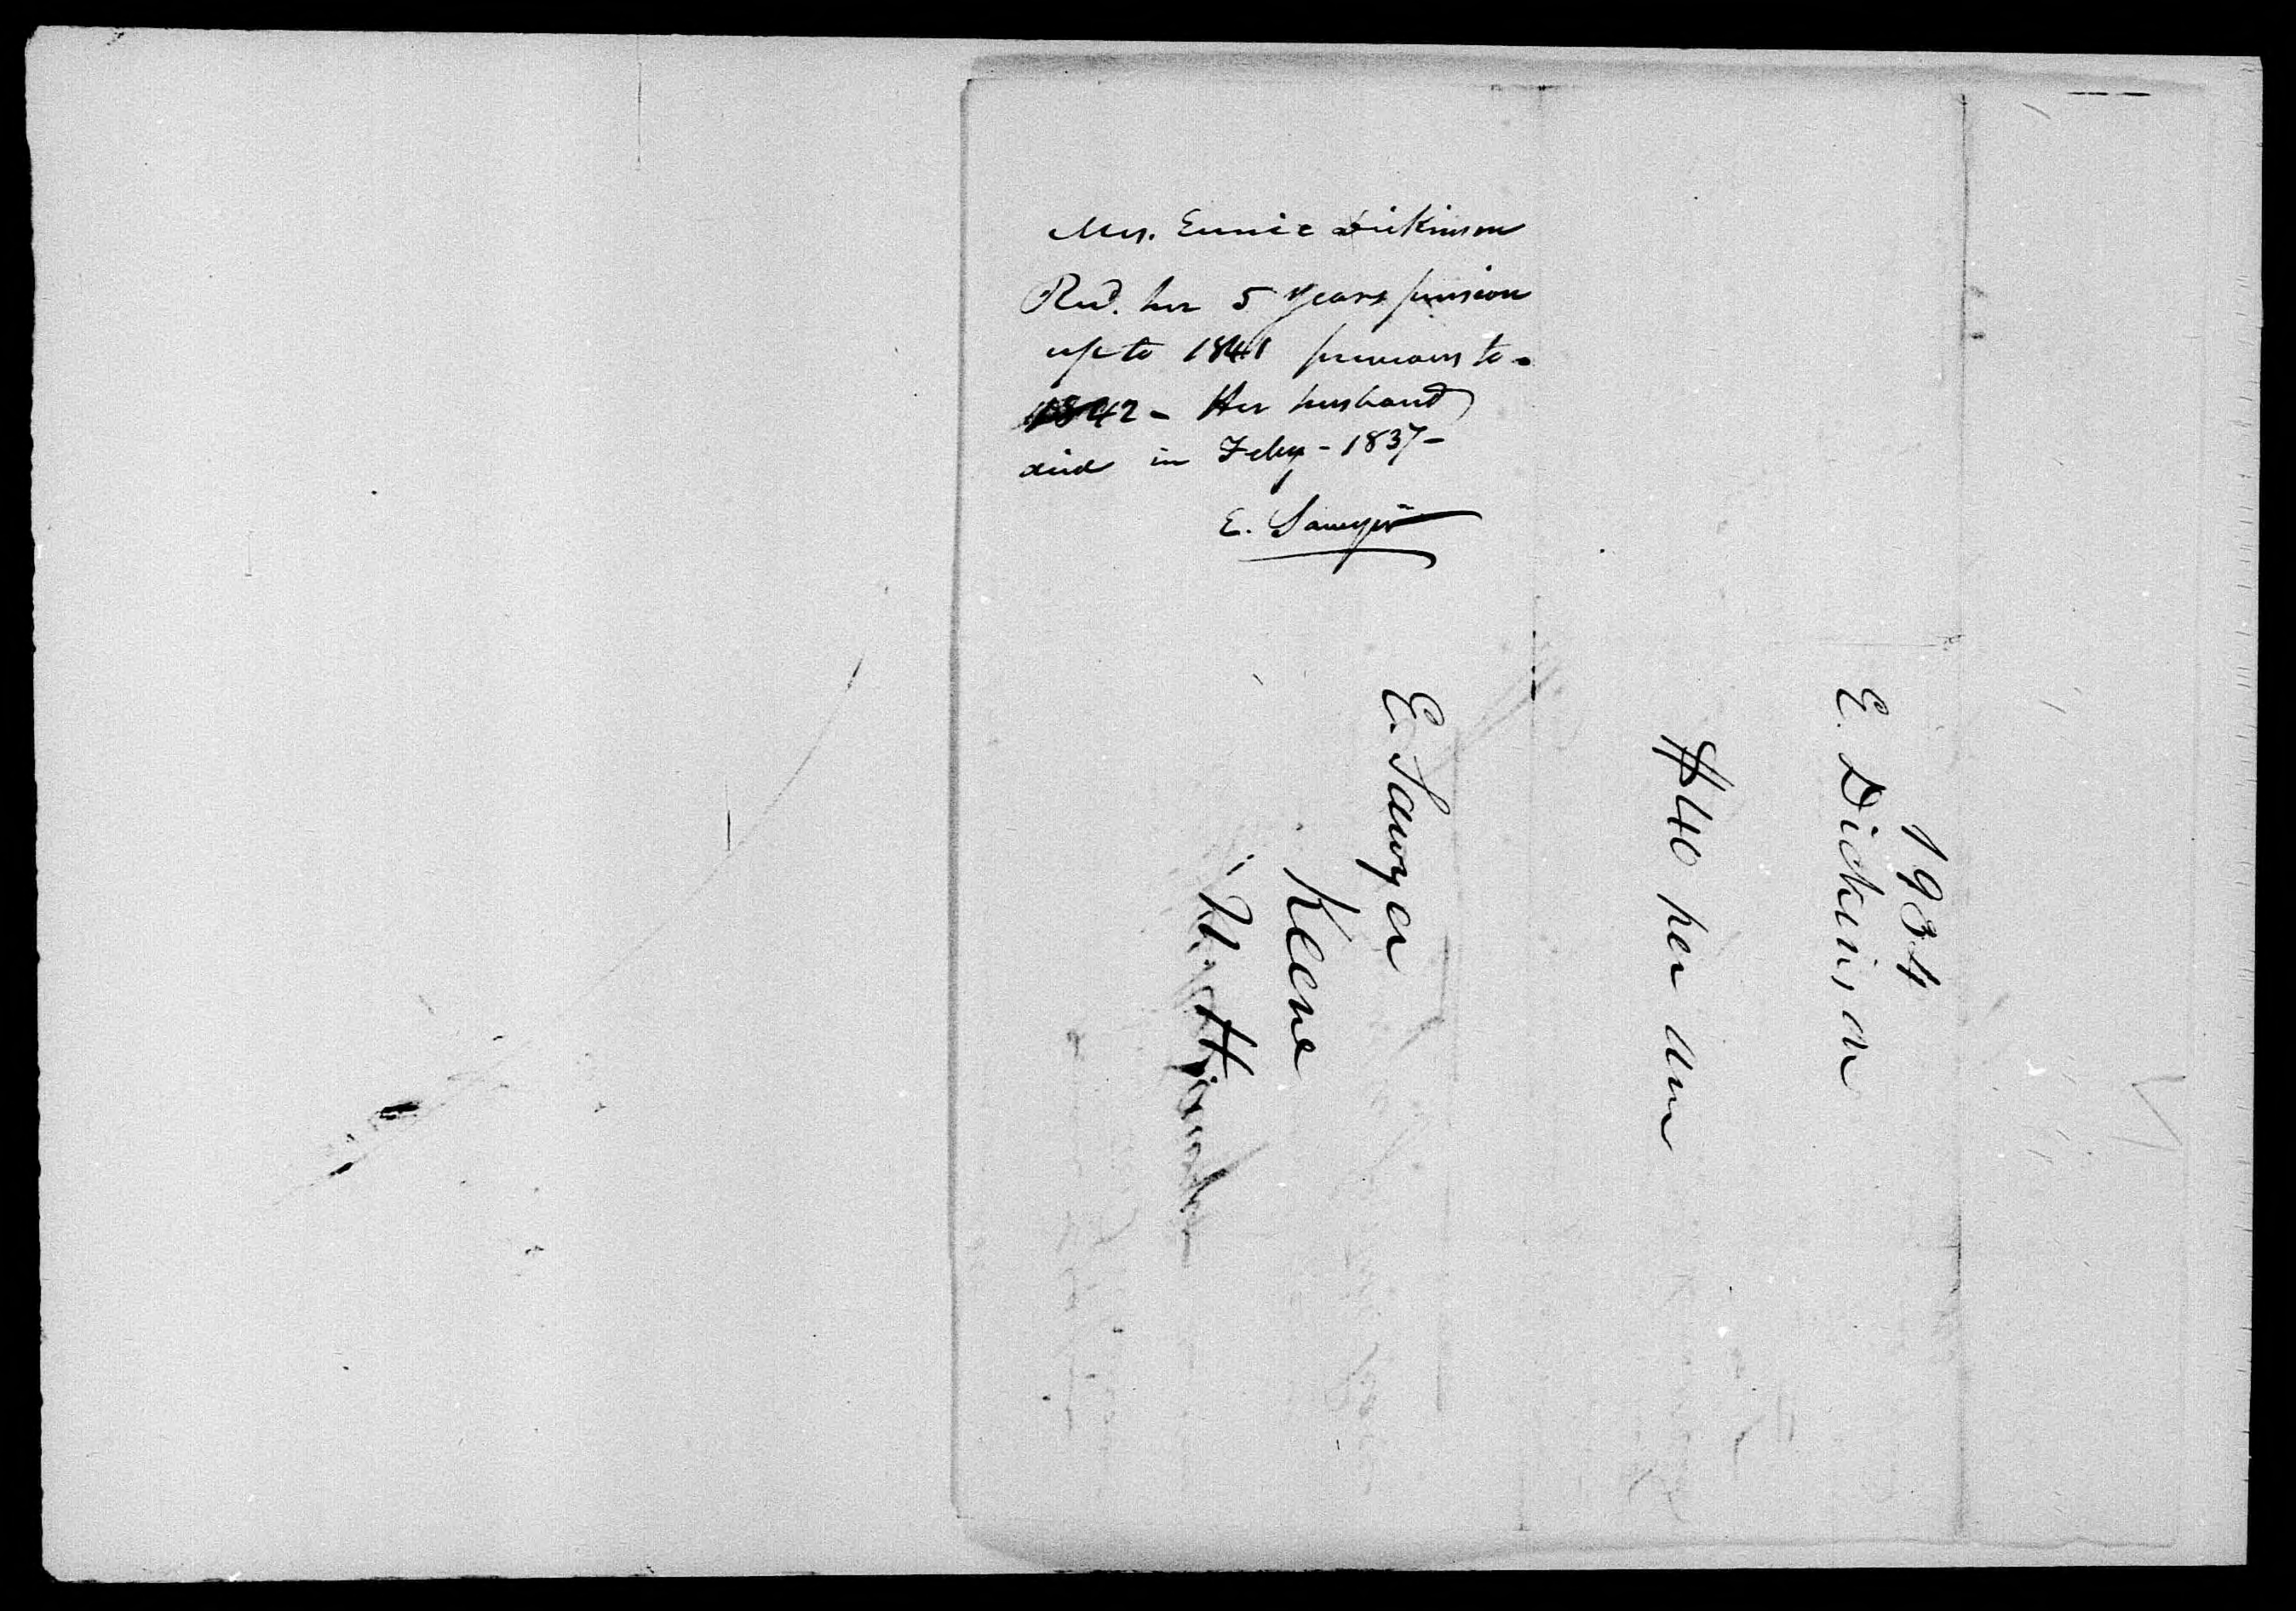Mrs. Eunice Dickinson
Recd. his 5 years pension up to 1841 previous to [smudged: 1842] Her husband died in Feby. 1837-
E. Sawyer

[Sideways:]
1934
E. Dickinson
$40 her ann
E Sawyer
Keene
N, H.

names: E Sawyer, E Sawyer, Eunice Dickinson, E Dickinson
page: 21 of 31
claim: widow's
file: W. 22946, Joel Dickinson, Mass.